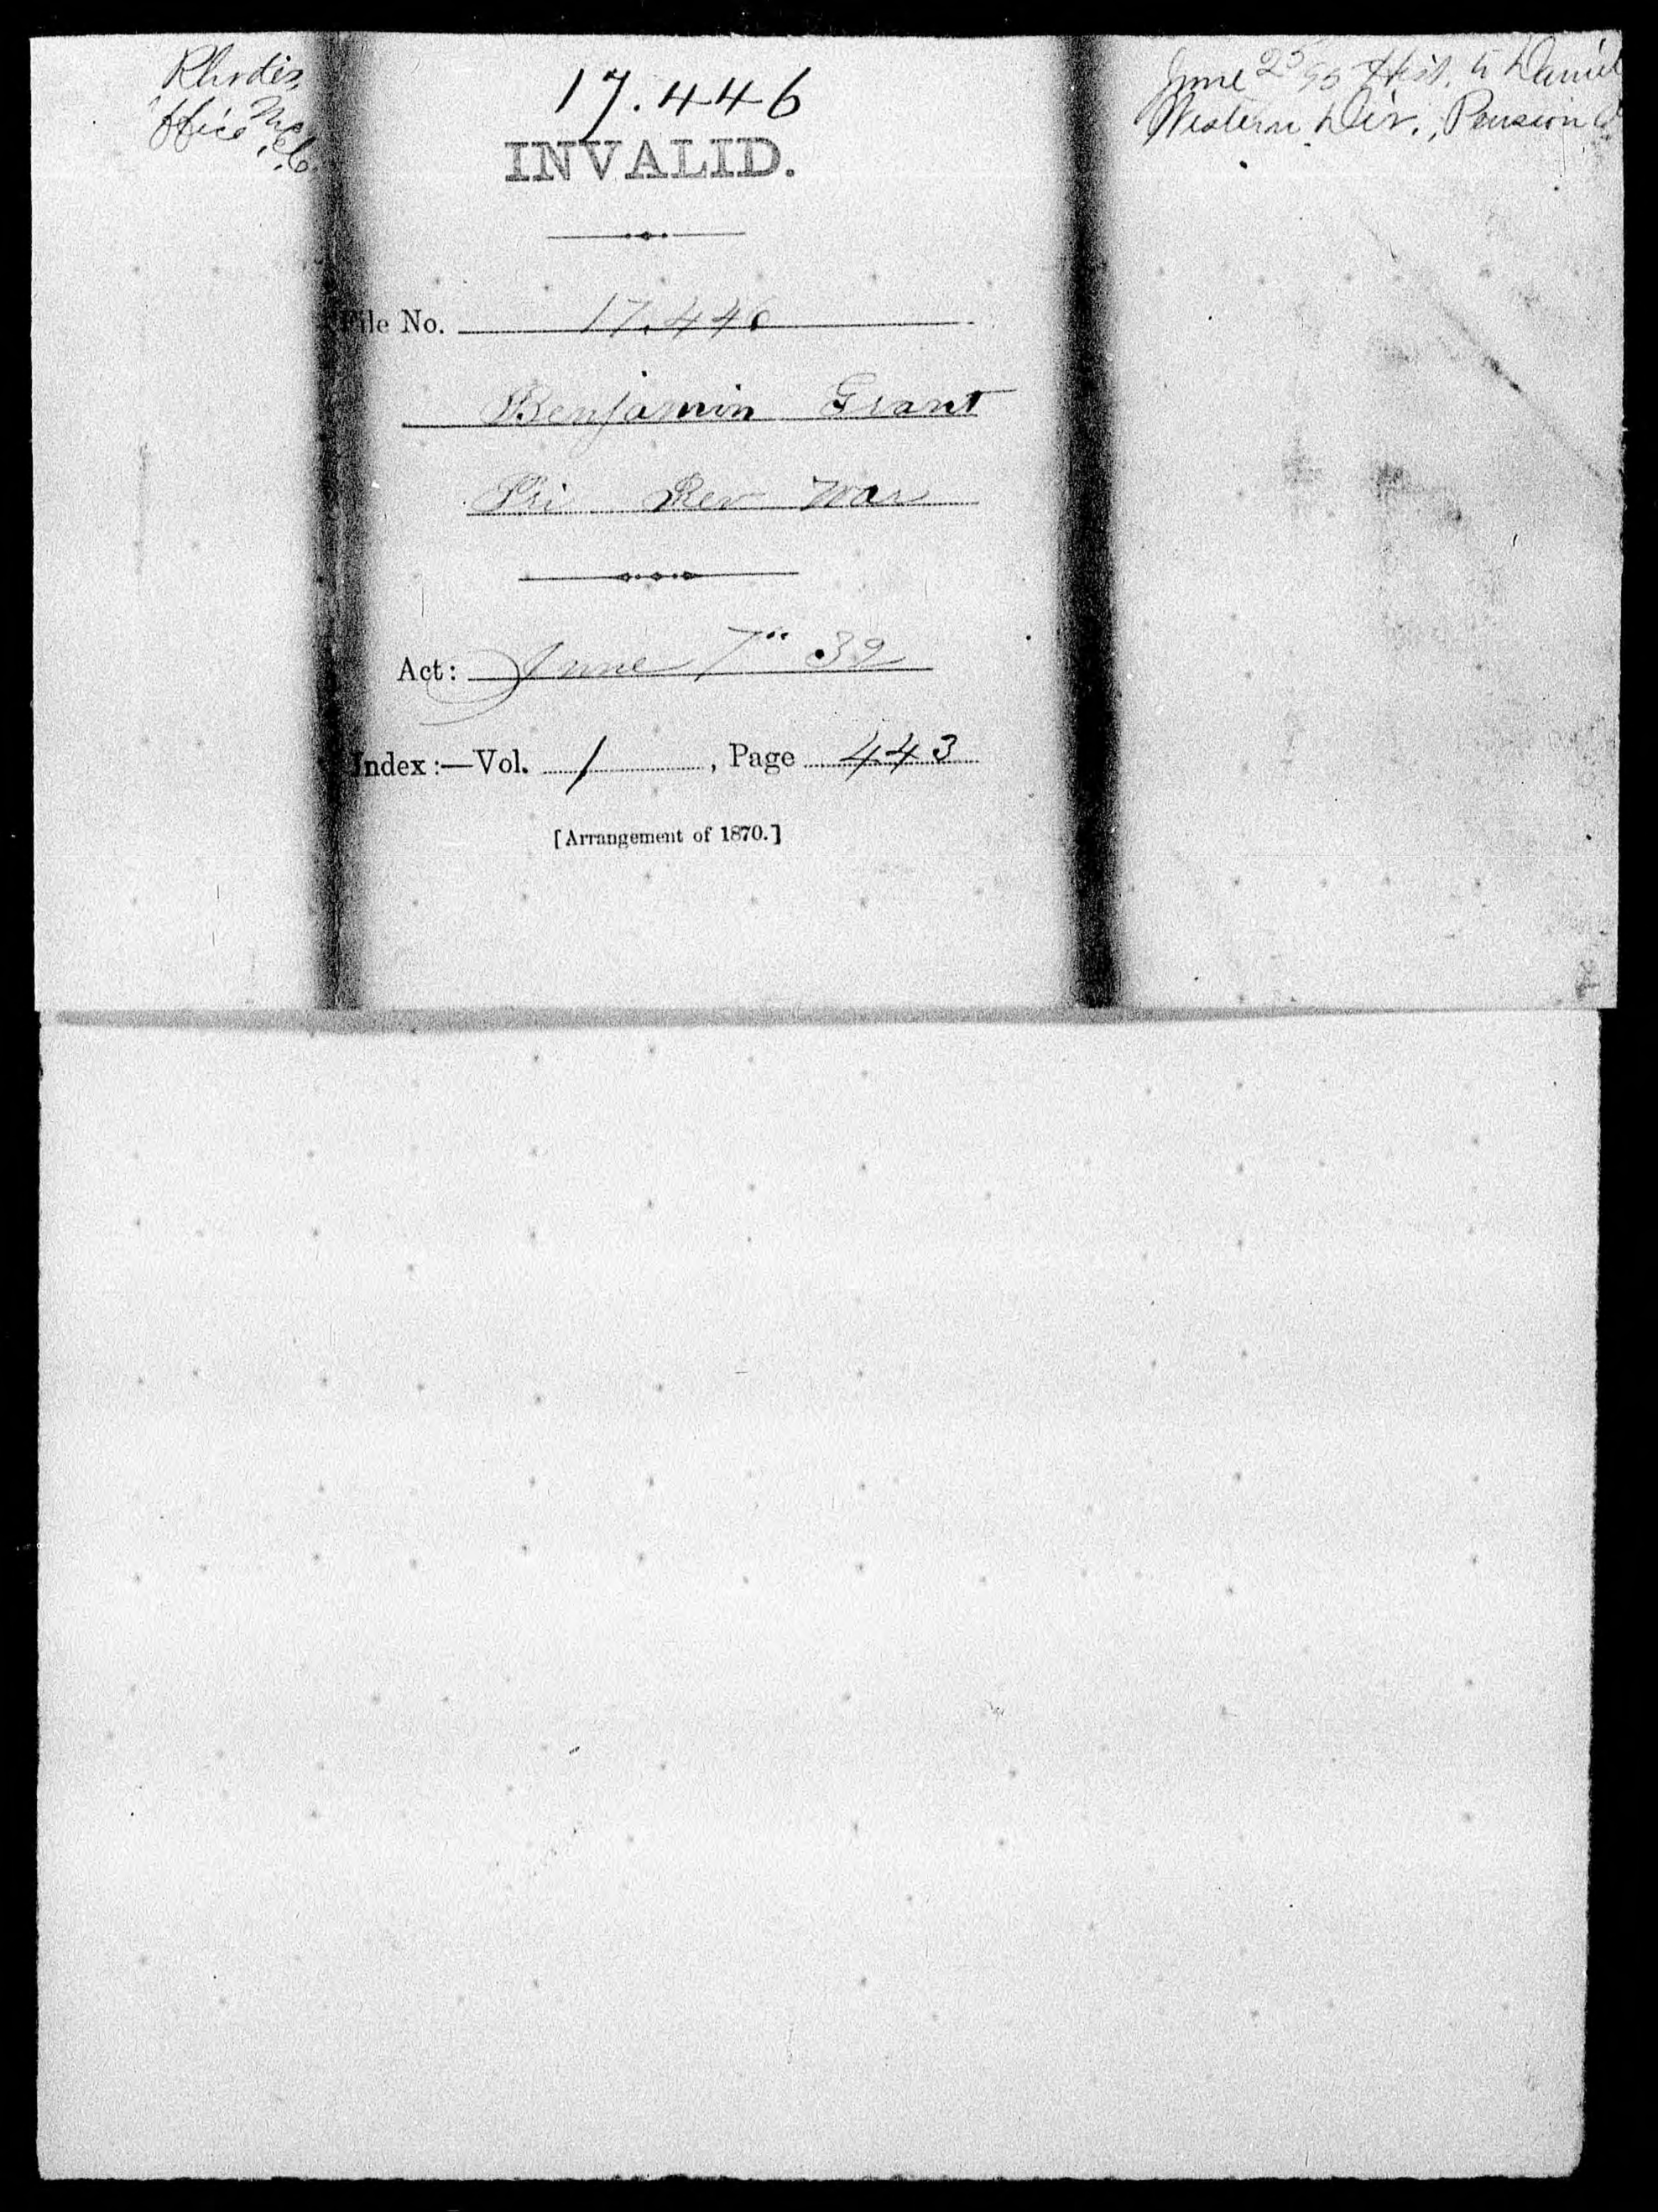17,446
INVALID.

File No. 17,446
Benjamin Grant
Pri Rev War

Act: June 7" 32
Index:-Vol. 1, Page 443
[Arrangement of 1870.]

Rhodes, 
Office
M.C.C.

June 25 95 Hist. to Daniel
Western Div.; Pension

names: Daniel Western, Benjamin Grant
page: 9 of 21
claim: survivor's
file: S. 17,446, Benjamin Grant, R.I.